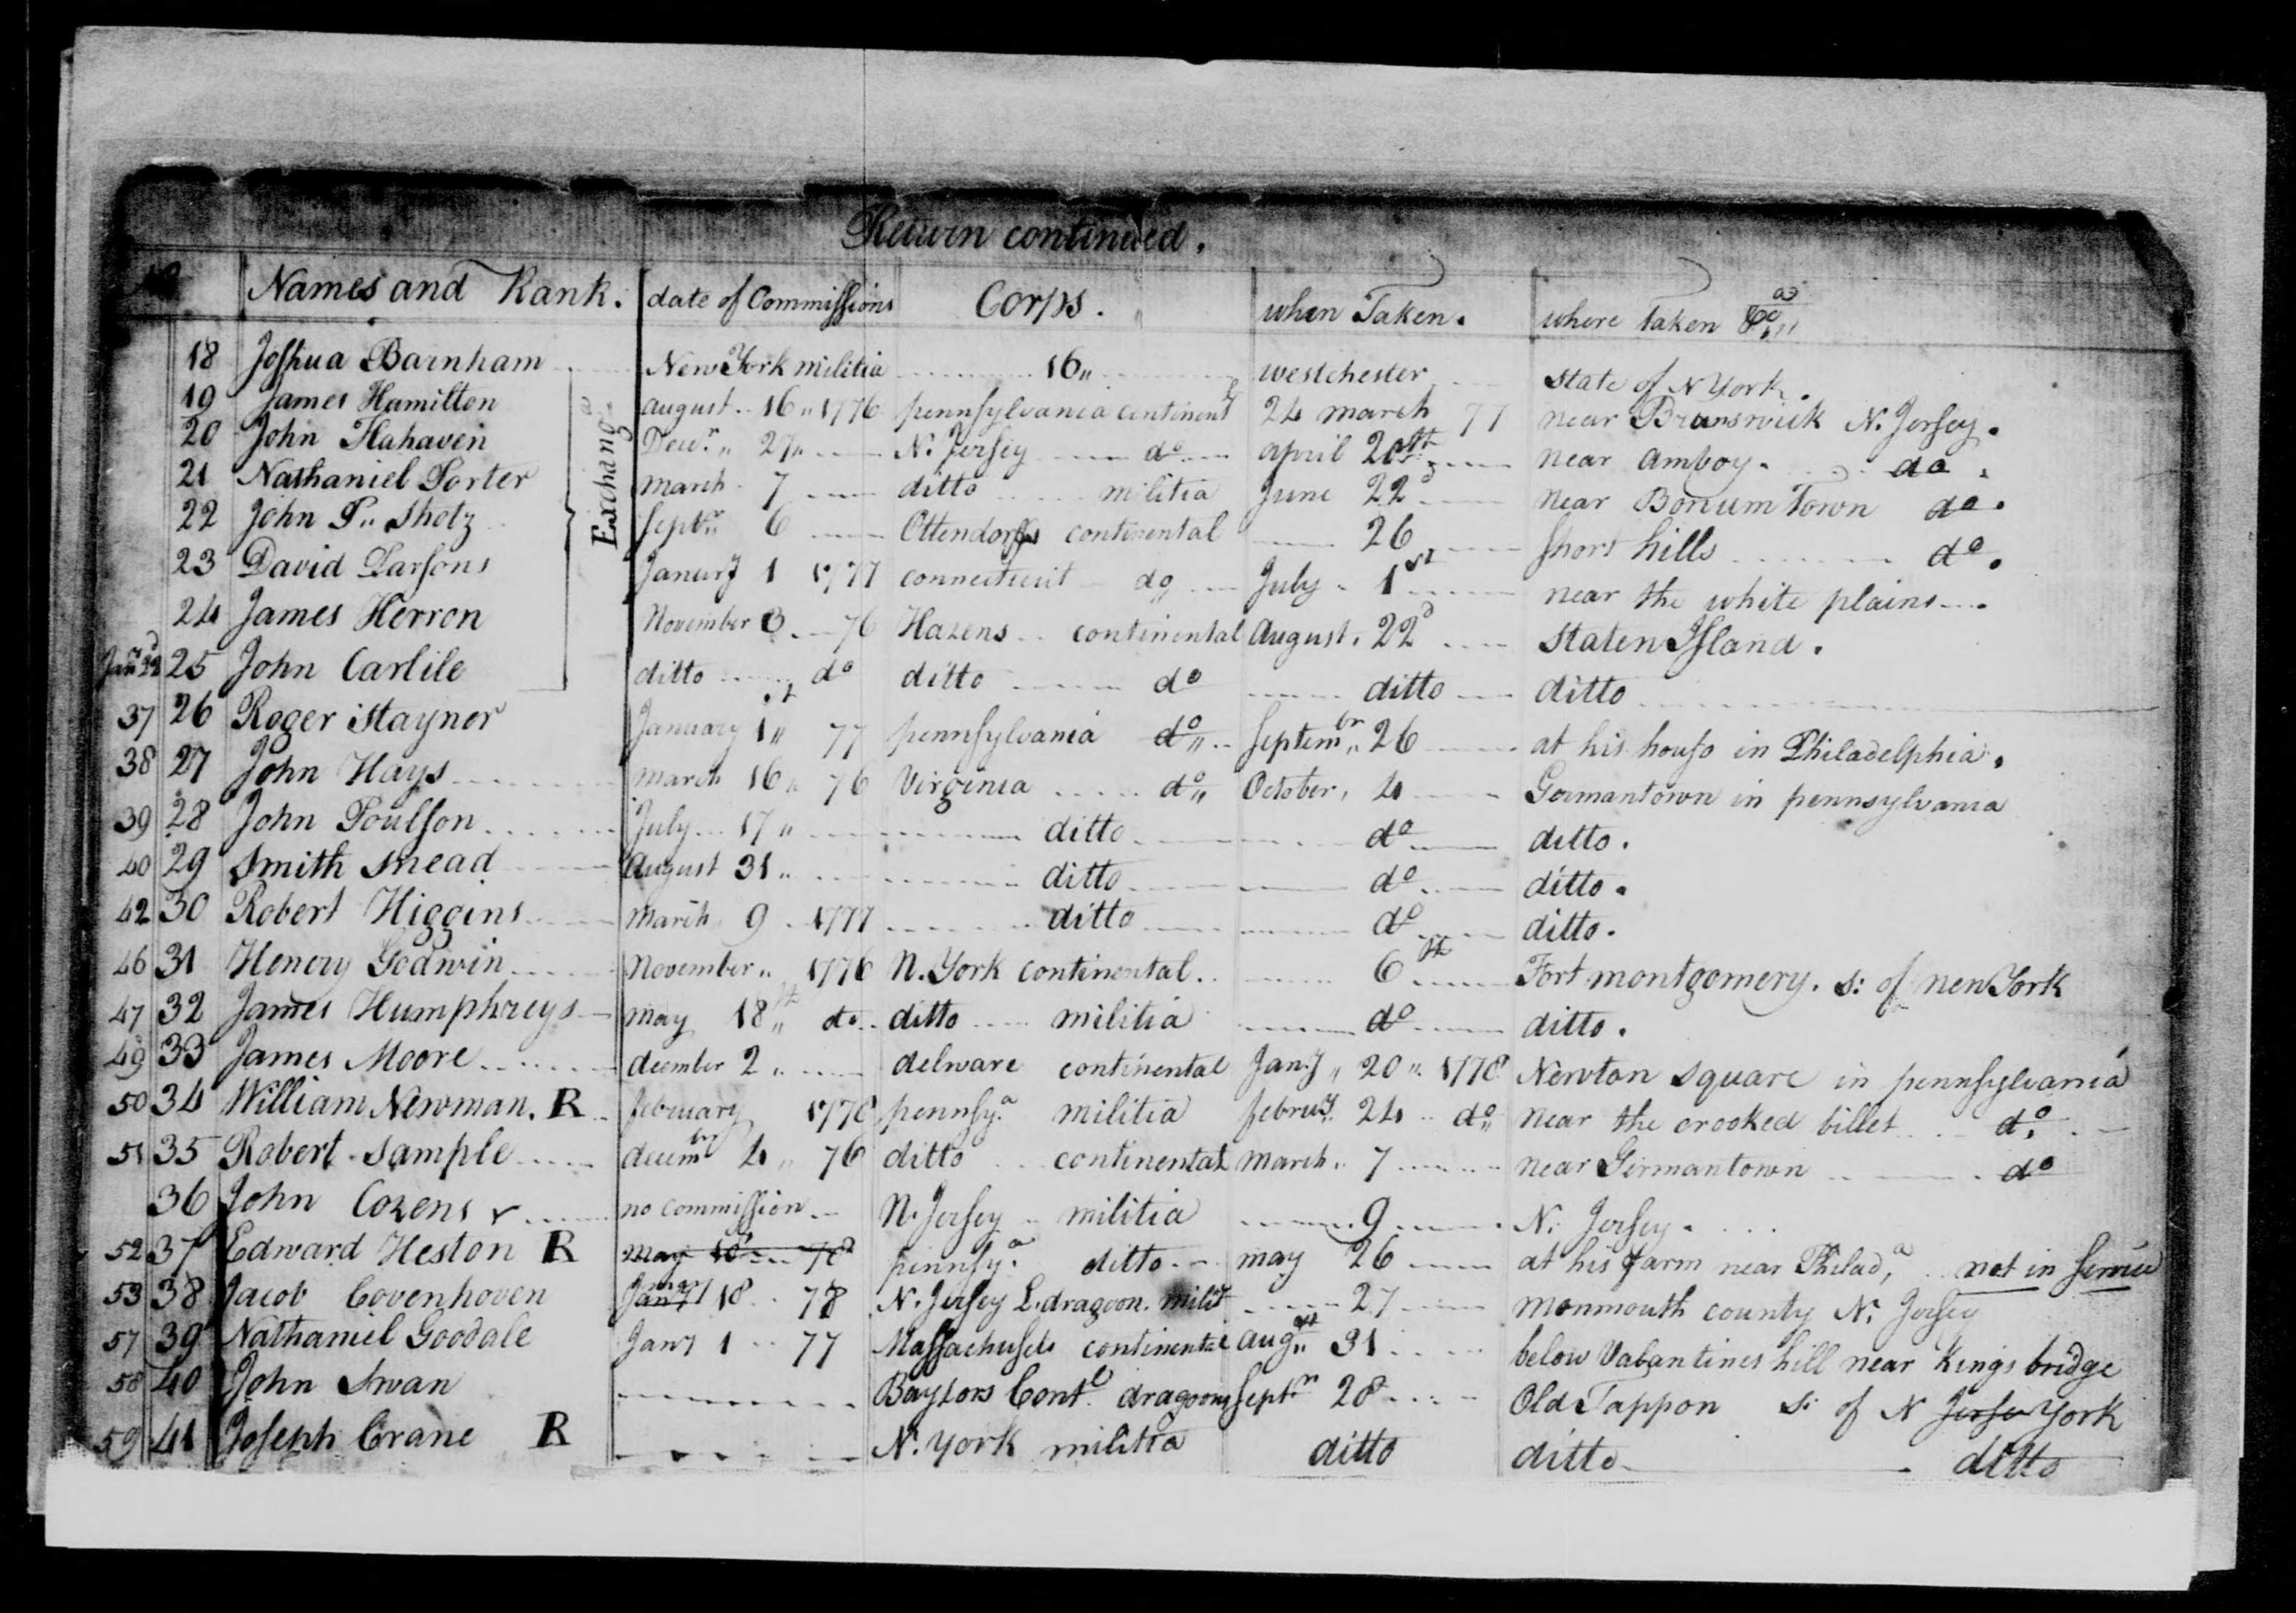[table]
Return Continued.
No.|Names and Rank| Date of Commission| Corps| when taken| where taken 
18|Joshua Barnham|New York Militia|16|west chester|State of N.York.
19|James Hamilton|August 16 1776|pennsylvania continent|24 March 77|near brunswick N. Jersey
20|John Hahaven|Decr 27th ----|No. Jersey---dc-|April 29th----|near Amboy.  do.
21|Nathaniel Porter| March 7 ----|ditto----militia|June 22 ----|near Bonum Town dc
22|John P Shotz|Sept 6----|Ottendorfs continental|----26----|Short hills----dc
23|Daved Sarfens|January 1 1777|Connecticut---do|July 1st ----|near the white plains----
24|James Herron|November 13. --76| Hazens----continental|August 22d----|Staten Island.
J- 22 25|John Carlile| ditto----dc|ditto----|ditto-----
37  26| Roger Mayner|January 1 --77|Pennsylvania Do|Septembr 26----|at his house in Philadelphia.
38  27| John Hays|March 16 --76|Virginia----do|October 4----|Germantown in pennsylvania
39  28|John Poulson|July ---17----|----ditto----|---de----|ditto.
40  29| Smith Snead| August 31 ----|----ditto--|---de----|ditto.
42  30| Robert Higgins|March 9 1777|----ditto--|---de----|ditto
46  31|Henry Godwin|November -- 1776| N. York Continental|----6th----|Fort montgomery S of New York
47  32|James Humphreys|May 18 --d|ditto----militia|----do----|ditto.
49  33| James Moore|December 2 ----|delaware continental|Jany 20 1776|Newton Square in pennsylvania
50  34|William Newman, R|february  1770|pennsya militia|Februy 24---do|near the crooked billet----do
51  35|Robert Sample|decembr 20  ..76|ditto----continental|March 7 ----|near Germantown----
36|John Cozens|no commission|N.Jersey...militia|----9----|N. Jersey----
52  37|Edward Heston R|------|Pennsya  ditto...|may 26----|at his farm near Philad---met in service
53  38|Jacob Covenhoven|February 18..--78|N. Jersey L dragoon Milit|----27----|monmouth county N. Jersey
57  39| Nathaniel Goodale|Jany 1 ...77|Massachusets continental|Aug 31----|below Valantines hill near King's bridge
58  40|John Iman|--------|Baylors Cont.l dragoon|Sept 28----|Old Tappon S. of N. York
59  41| Joseph Crane R|-----|N. York militia
|ditto|ditto------------------ditto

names: John Poulson, Smith Snead, Henery Godwin, James Hamilton, James Humphreys, David Parsons, John Hahavin, John Hays, Robert Higgins, Jacob Covenhoven, John Carlile, John P Shotz, William Newman, Joseph Crane, John Swan, Roger Stayner, Nathaniel Goodale, Joshua Barnham, Nathaniel Porter, James Moore, Edward Heston, John Cozens, James Herron, Robert Sample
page: 21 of 57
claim: survivor's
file: S. 2161, Hezekiah Davies, Penn